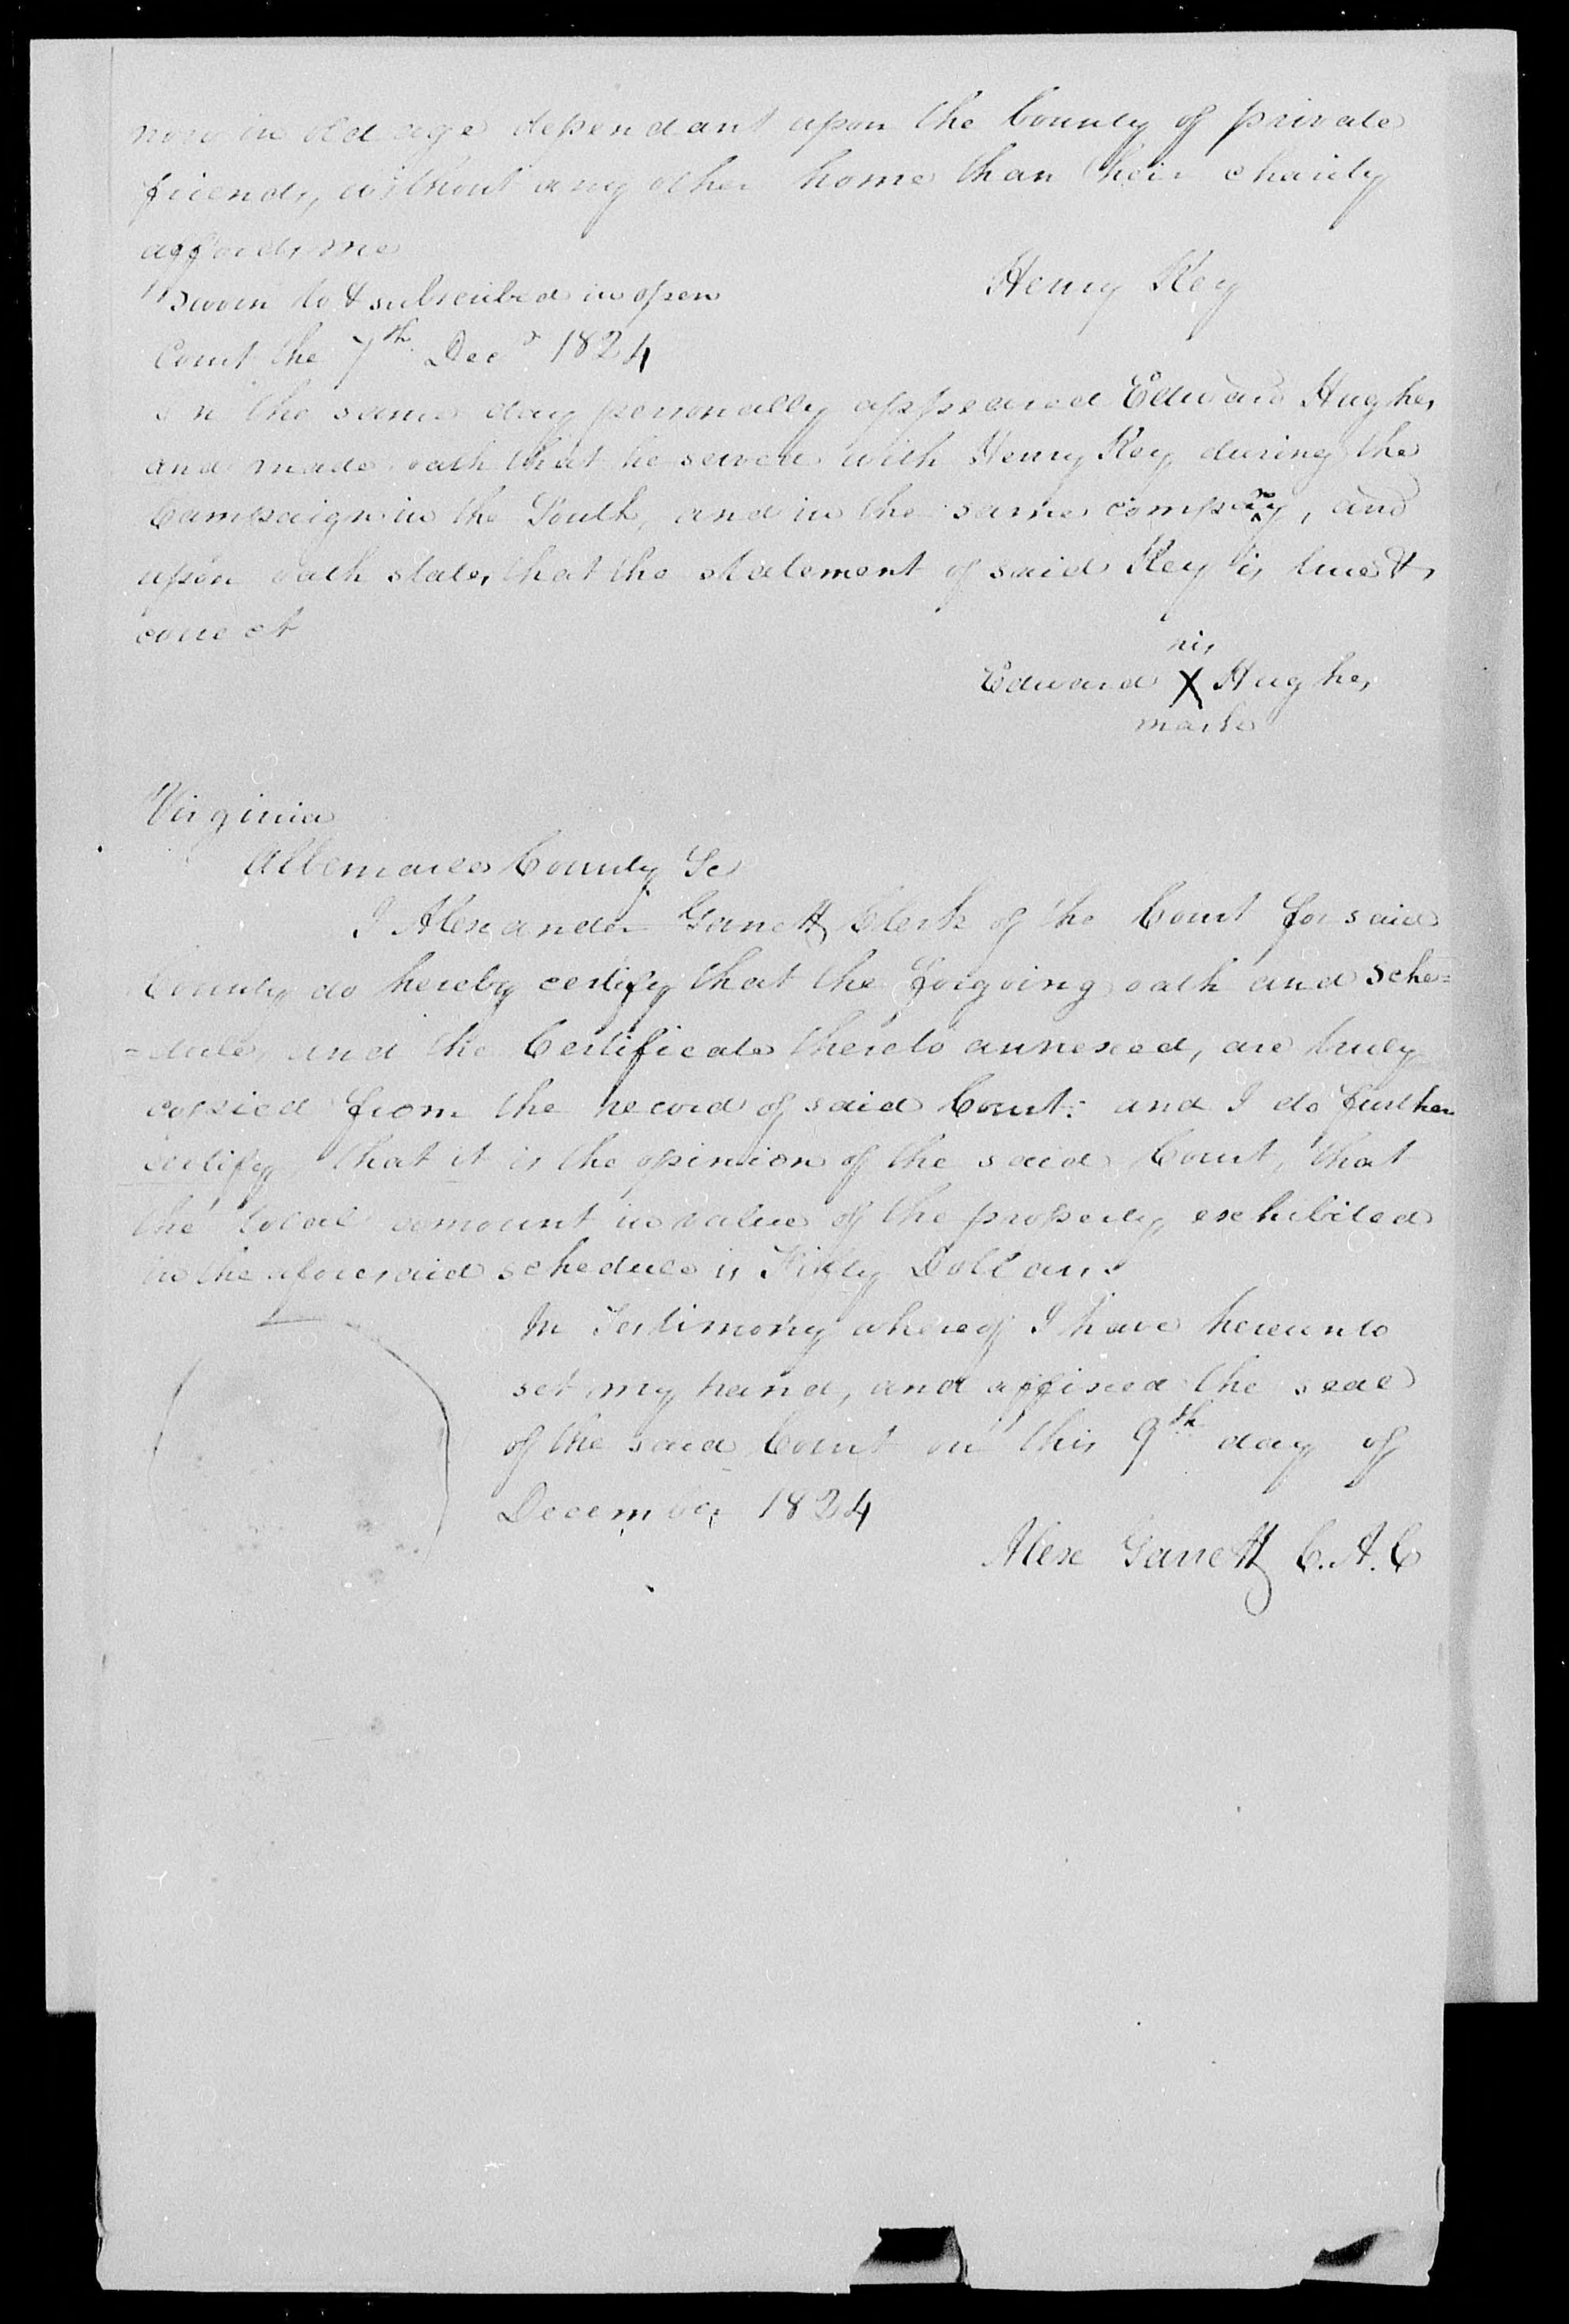Page 6

now in old age dependent upon the bounty of private friends, without any other home than their charity afford me

Sworn to & subscribed in open
Court the 7th Dec 1824

Henry Key

In the same day personally appeared Edward Hughes and made oath that he service with Henry Key during the Campaign in the South, and in the same company, and upon oath states that the statement of said Key is true &
correct.

Edward X [his mark] Hughes

Virginia
Albemarle County Set
I Alexander Garrett Clerk of the Court for said
County do hereby certify that the foregoing oath and schedule and the Certificate thereto annexed, are truly copied from the record of said Court and I do further certify that it is the opinion of the said Court, that the
local amount in value of the property exhibited in the aforesaid schedule is Fifty Dollars

In Testimony whereof I have hereunto
set my hand, and affixed the seal
of the said Court on this 9th day of
December 1824

Alex Garrett C.A.C.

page: 6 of 25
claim: survivor's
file: S 38116, for Henry Key, Virginia